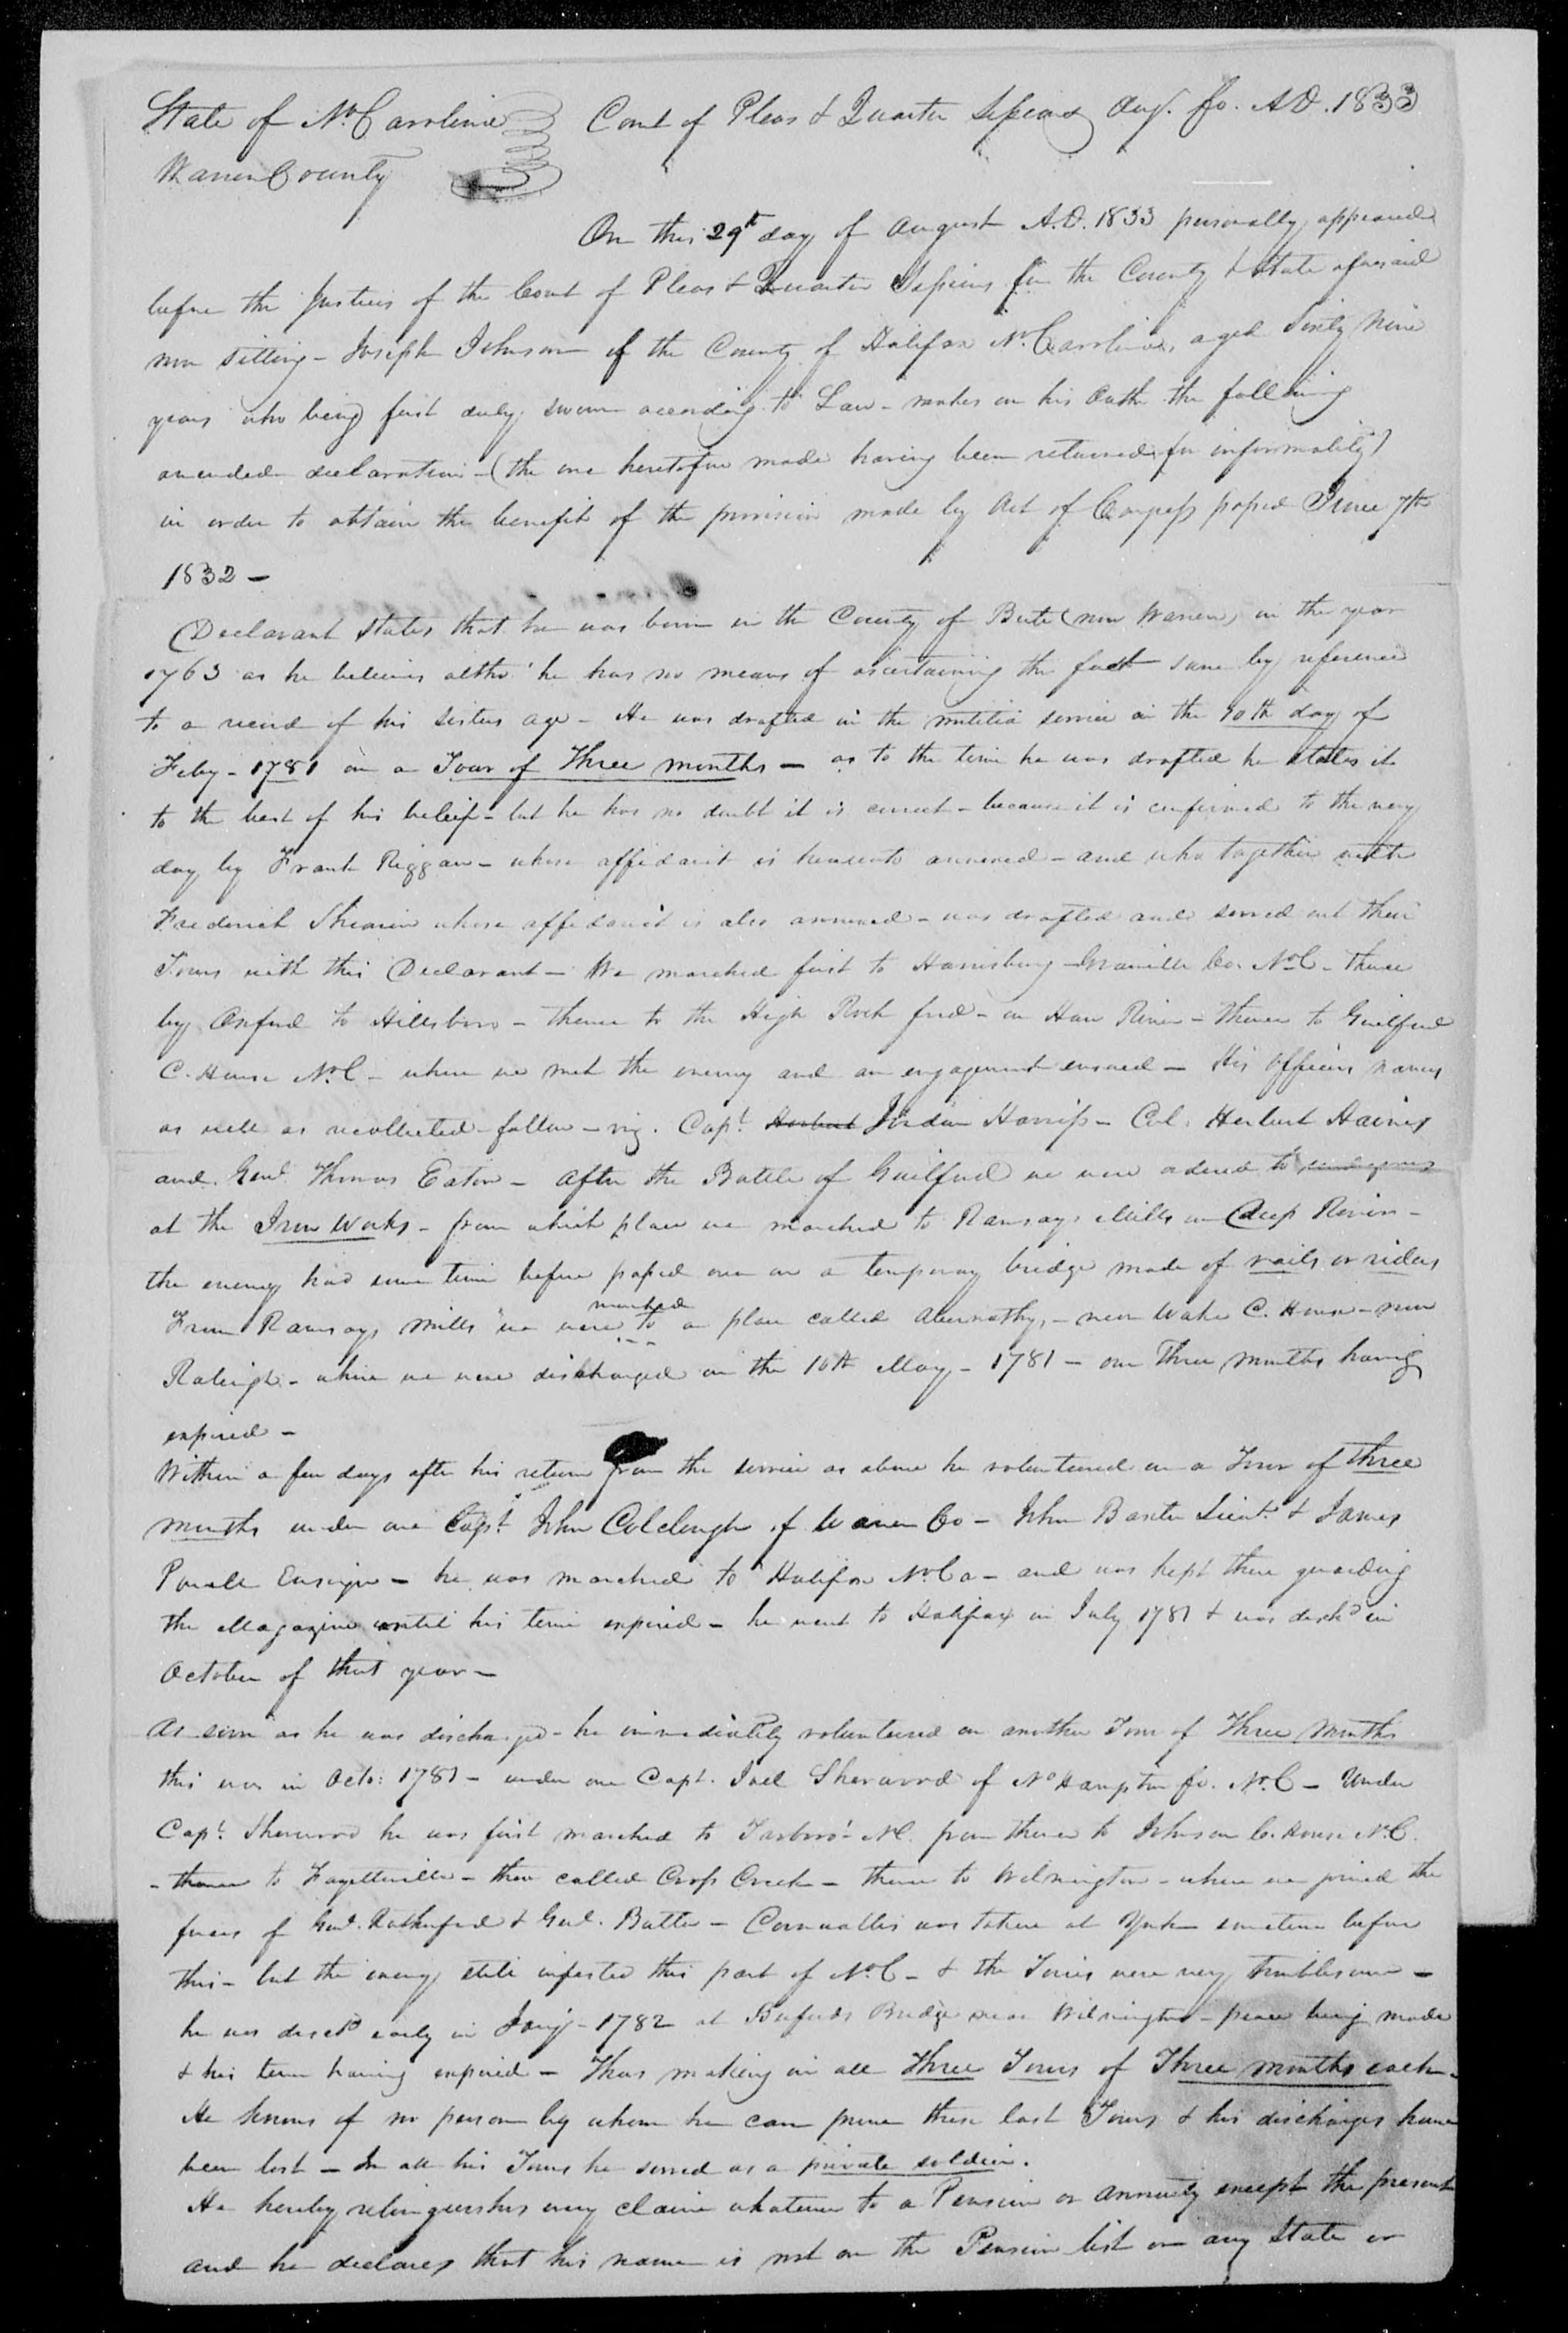[handwritten]

State of N. Carolina}
Warren County}
Court of Pleas & Quarter Sessions Aug. [?] A.D. 1833
On this 29th day of August A.D. 1833 personally appeared
before the Justices of the Court of Pleas & Quarter Sessions for the County & State aforesaid
now sitting-- Joseph Johnson of the County of Halifax N. Carolina, aged sixty nine years who being first duly sworn according to Law makes on his oath the following
amended declaration (the one heretofore made having been returned for informality)
in order to obtain the benefit of the provision made by Act of Congress passed June 7th 1832-
Declarant states that he was born in the County of Bute (now Warren, in the year
1765 as he believes altho he has no means of ascertaining the fact same by reference
to a [?] of his sixties age. He was drafted in the militia service on the 10th day of
Feby 1781 in a Tour of three months as to the time he was drafted he states it
to the best of his belief, but he has no doubt it is correct-- because it is confirmed to the very
day by Frank Riggan whose affidavit is hereunto annexed, and who together with
Frederick Shearer whose affidavit is also annexed, was drafted and served out their
Tours with this Declarant - We marched first to Harrisburg Granville Co. N.C. thence
by Oxford to Hillsboro, thence to the High rock ford-- on Haw River-- thence to Guilford
C. House Vol-- where we met the enemy and an engagement ensued-- this Officers names
as well as recollected follow - viz. Capt Herbert [lined out] Jordan Harriss - Col. Herbert Haines
and Genl Thomas Eaton-- after the Battle of Guilford we were ordered to
[illegible] at the Iron Works, from which place we marched to Ramsay Mills on Deep River
the enemy had some time before passed on in a temporary bridge made of rails or riders
From Ramsays mills in a place called Abernathy, near Wake C. House - now
Raleigh, where we were discharged on the 18th May 1781- our three months having expired
Within a few days after his return from the service as above he volunteered in a Tour of three
months under one Capt John Colclough of Warren Co-- John Baxter Lieut & James
Powell Ensign - he was marched to Halifax No Ca and was kept there guarding
the Magazine until his time expired, he went to Halifax in July 1781 & was dischd in
October of that year
As soon as he was discharged. he immediately volunteered on another Term of three months
this was in Oct. 1781- under one Capt. Joel Sherard of N Hampton Co. N.C. Under
Capt Sherwood he was first marched to Tasboro NC. from there to Johnson C. House N.C.
thence to Fayetteville, then called Cross Creek, then to Wilmington, where we joined the forces of Genl. Rutherford & Gen. Batten
- Cornwallis was taken at York sometime before this -
but the enemy still infested this part of No C -- & the Tories were very troublesome
was dischd early in 1782 at Bufords Bridge near Wilmington peace being made
& his term having expired-- Thus making in all three Tours of three months each
He knows of no person by whom he can prove these last Tours & his discharges have been lost - 
In all his tours he served as a private soldier. 
He hereby relinquishes any claim whatever to a pension or annuity except the present
and he declares that his name is not on the Pension list on any State or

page: 6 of 9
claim: survivor's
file: S. 7085, for Joseph Johnson, North Carolina